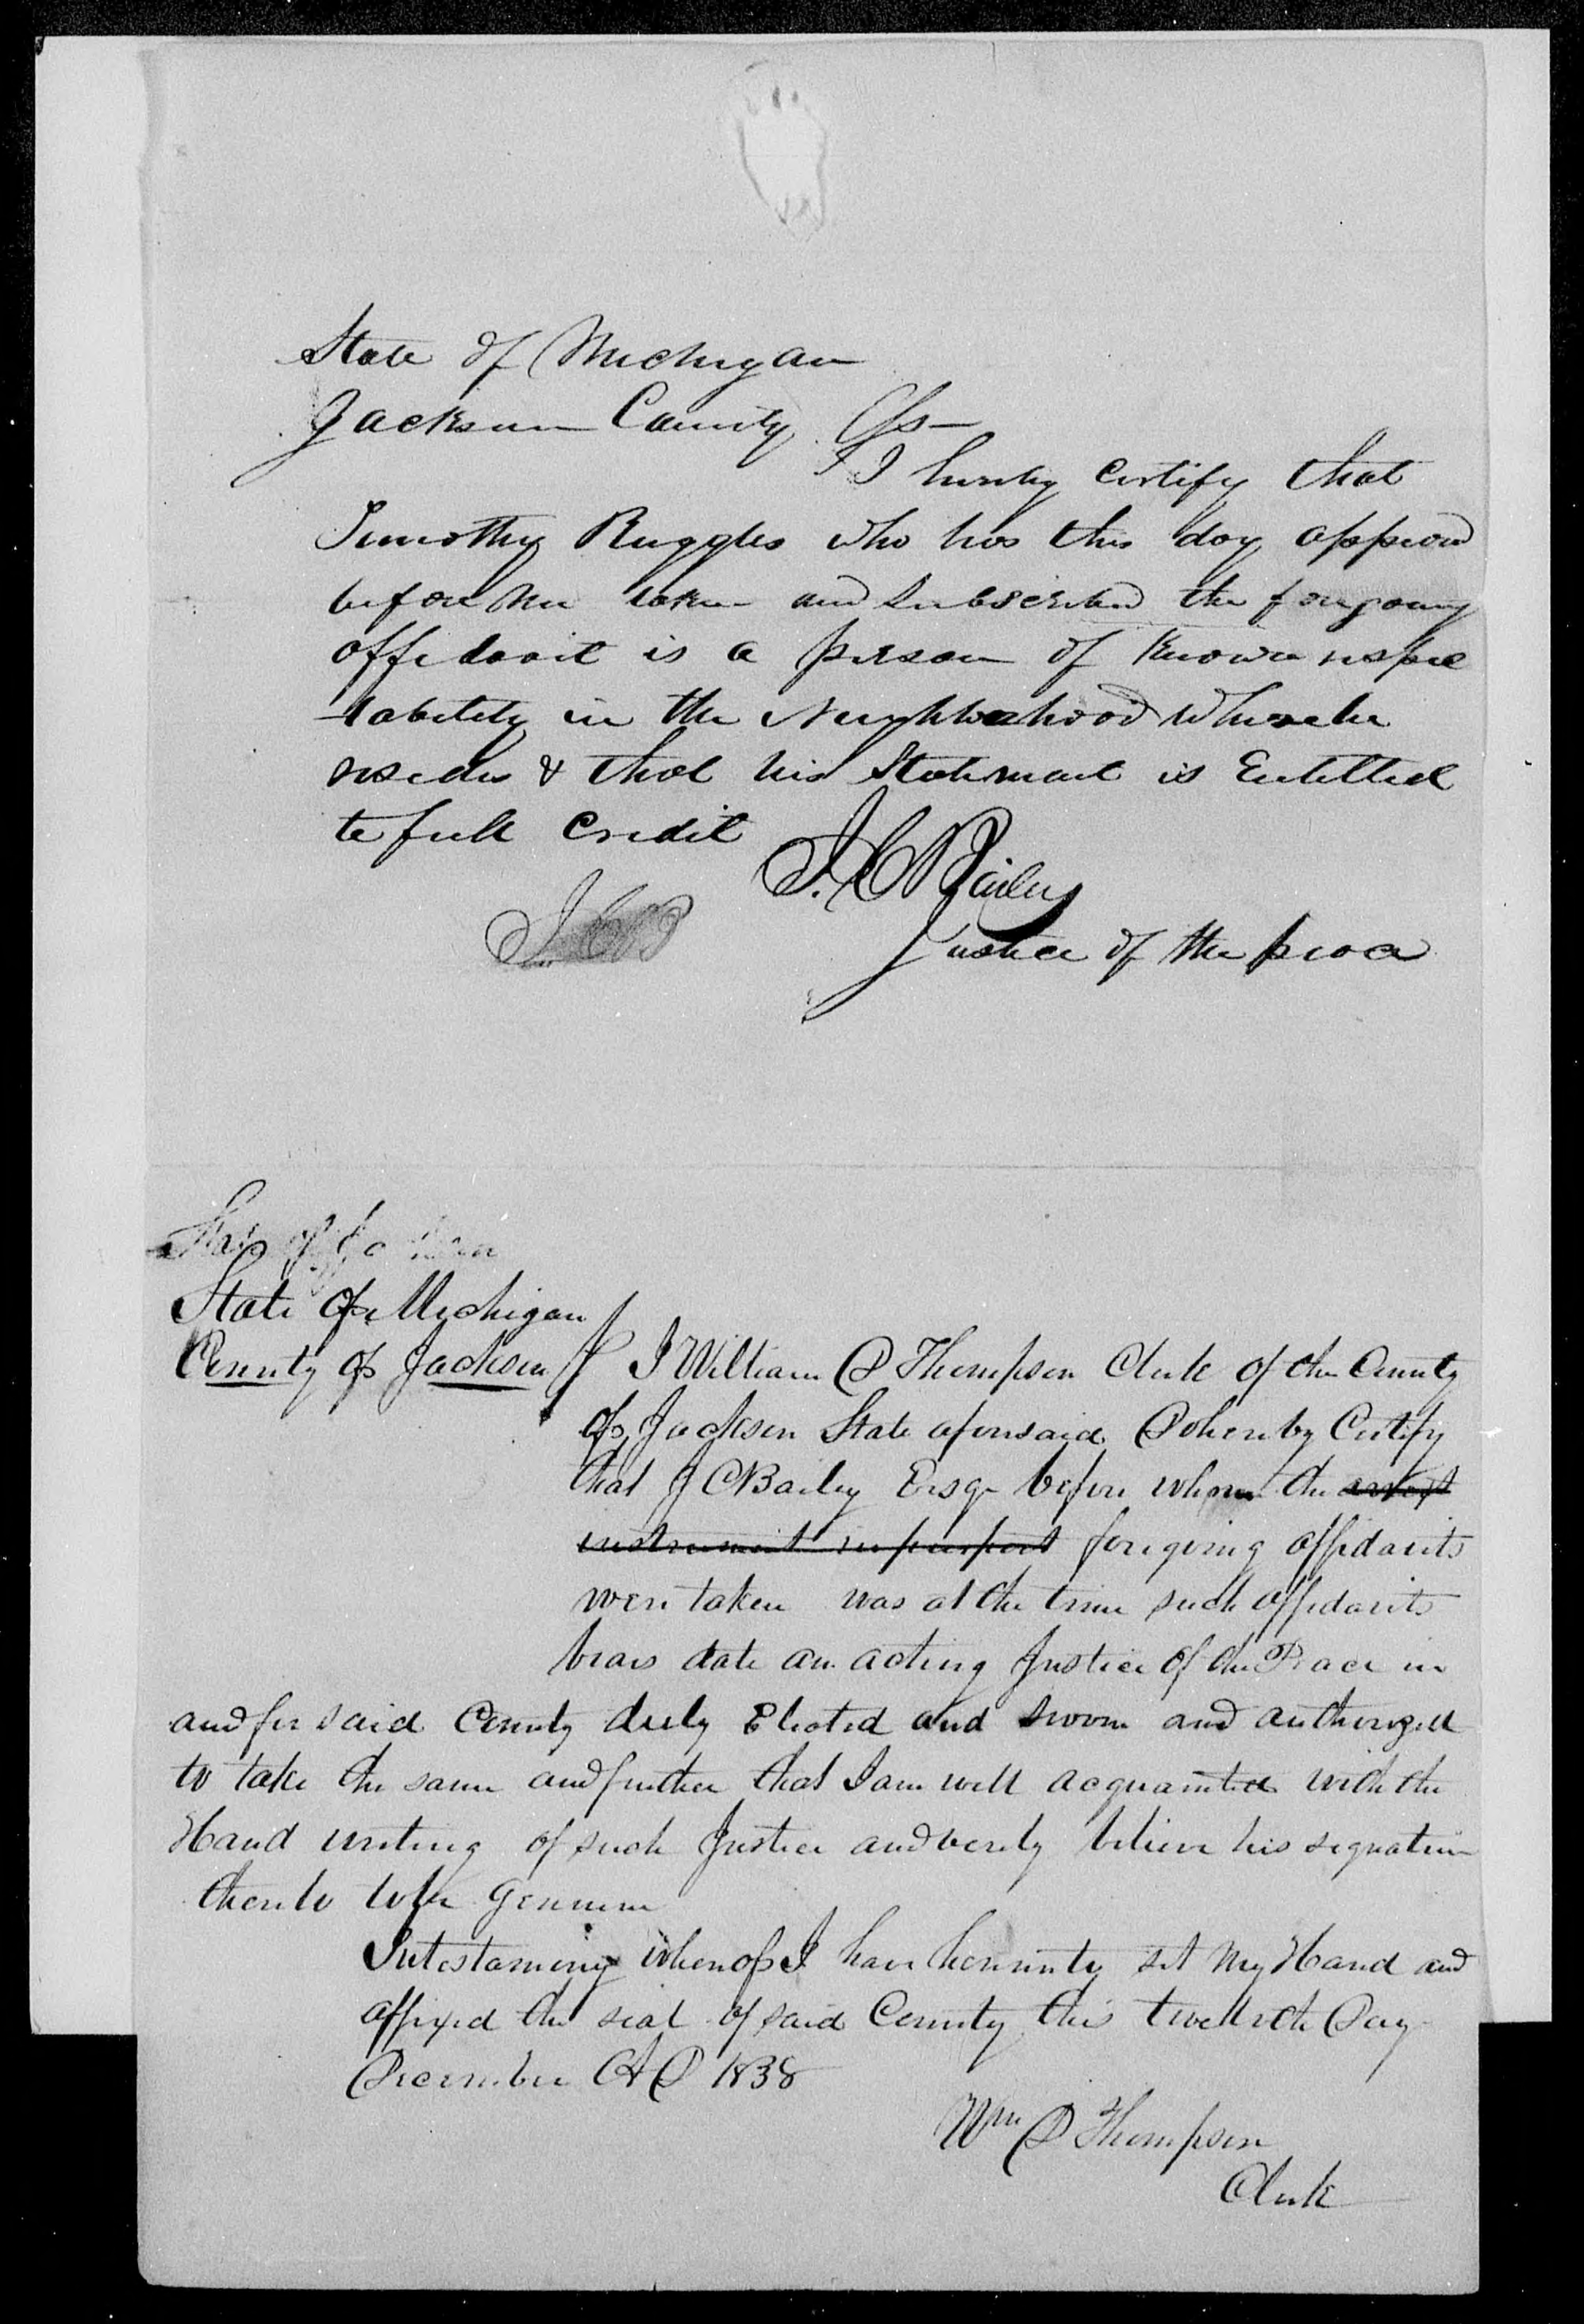State of Michigan
Jackson County Ss
I hereby certify that
Timothy Ruggles who has this day appeared
before me taken and subscribed the foregoing
affidavit is a person of known respectability 
in the Neighborhood where he
resides & that his statement is entitled
to full credit
J. C. Bailey
Justice of the peace
State of Michigan
County of Jackson Ss  I William Thompson Clerk of the County
of Jackson State aforesaid do hereby Certify
that J. C. Bailey Esq before whom the
foregoing affidavits
were taken was at the time such affidavits
bears date an acting Justice of the Peace in
and for said County duly Elected and sworn and authorized
to take the same and further that I am well acquainted with the
Hand writing of such Justice and verily believe his signature
thereto to be Genuine
In testamony whereof I have hereunto set my Hand and
affixed the seal of said County this twelfth day
December AD 1838
Wm. D. Thompson
Clerk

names: Timothy Ruggles, William D Thompson, Wm D Thompson, J C Bailey, J C Bailey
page: 5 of 32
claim: survivor's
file: S. 34899, John Gibson, R.I.